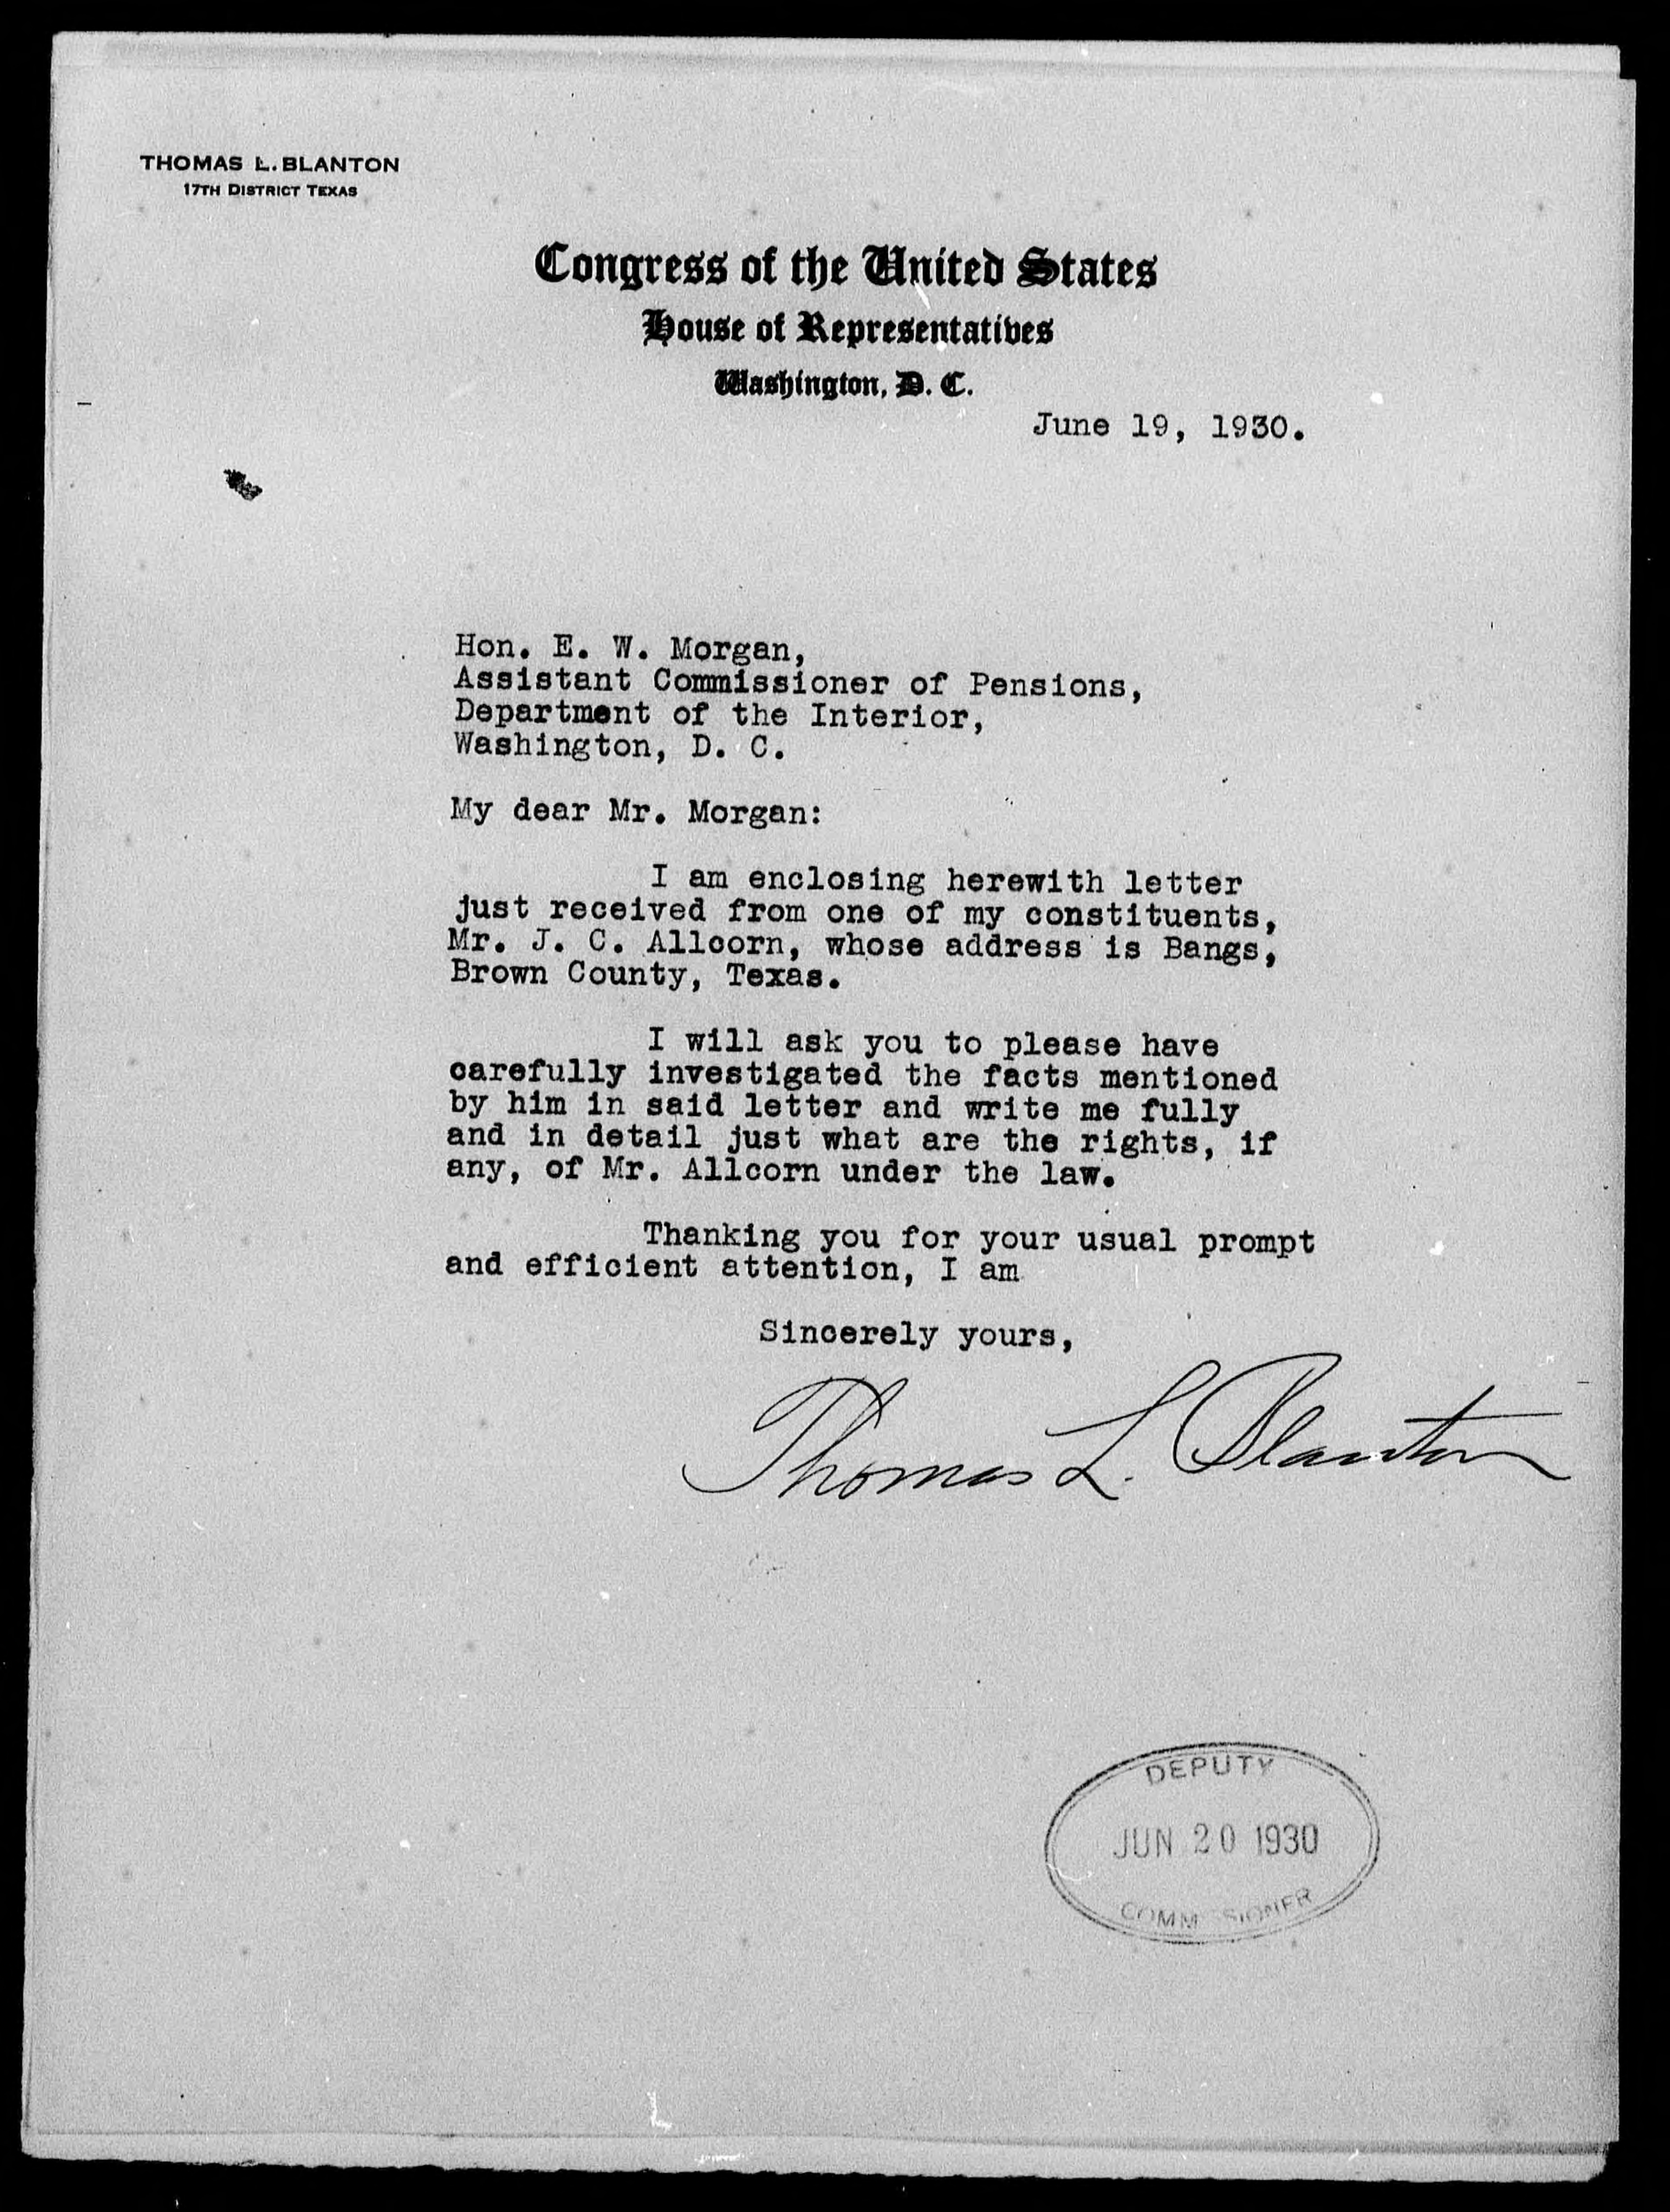Hon. E. W. Morgan,
Assistant Commissioner of Pensions,
Department of the Interior,
Washington D.C.

My dear Mr. Morgan:
I am enclosing herewith letter just received from one of my constituents, Mr. J.C. Allcorn, whose address is Bangs, Brown County, Texas.
I will ask you to please have carefully investigated the facts mentioned by him in said letter and write me fully and in detail just what are the rights, if any, of Mr. Allcorn under the law.
Thanking you for your usual prompt and efficient attention, I am
Sincerely yours,
Thomas L Blanton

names: Thomas L Blanton, Thomas L Blanton, J C Allcorn, E W Morgan, Morgan, Allcorn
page: 23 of 32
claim: rejected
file: R. 4655, Jesse Harris, N.C.